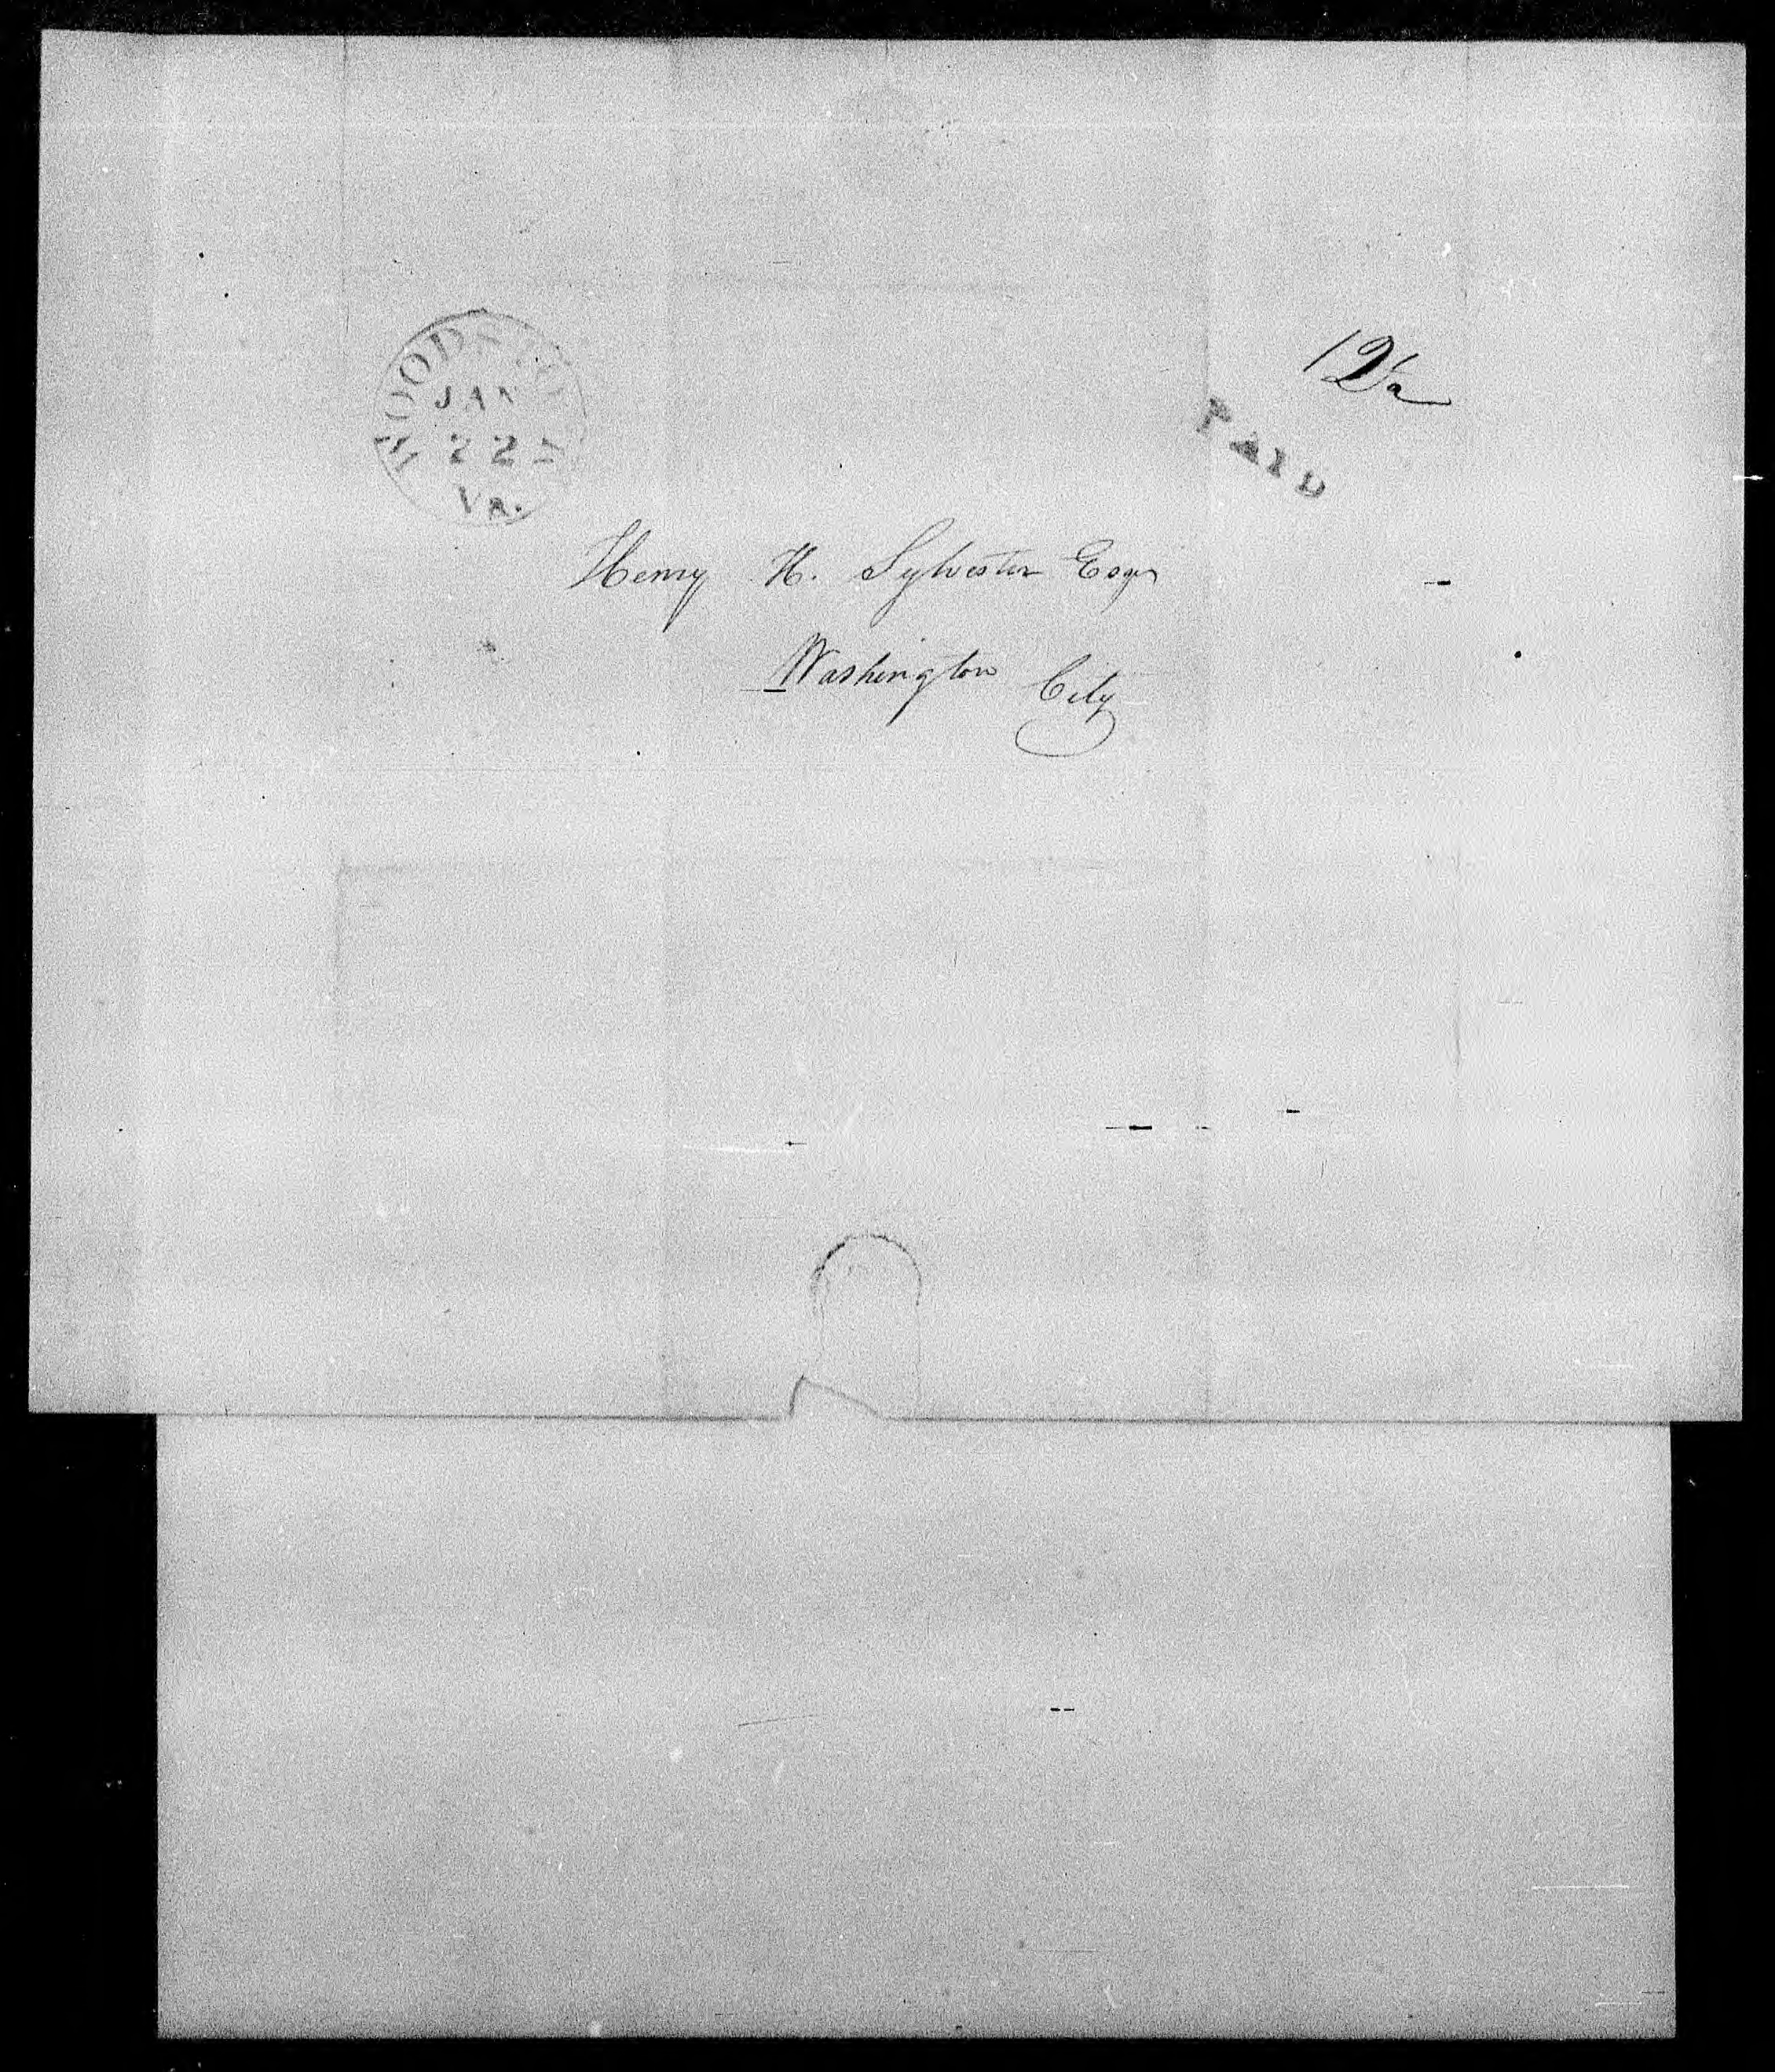[Top left - round ink stamp Woodstock, Va.]
[Top right]
12
PAID

Henry H. Sylvester Esq
Washington City]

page: 13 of 28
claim: widow's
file: W. 5112, for Samuel Jamieson, Virginia